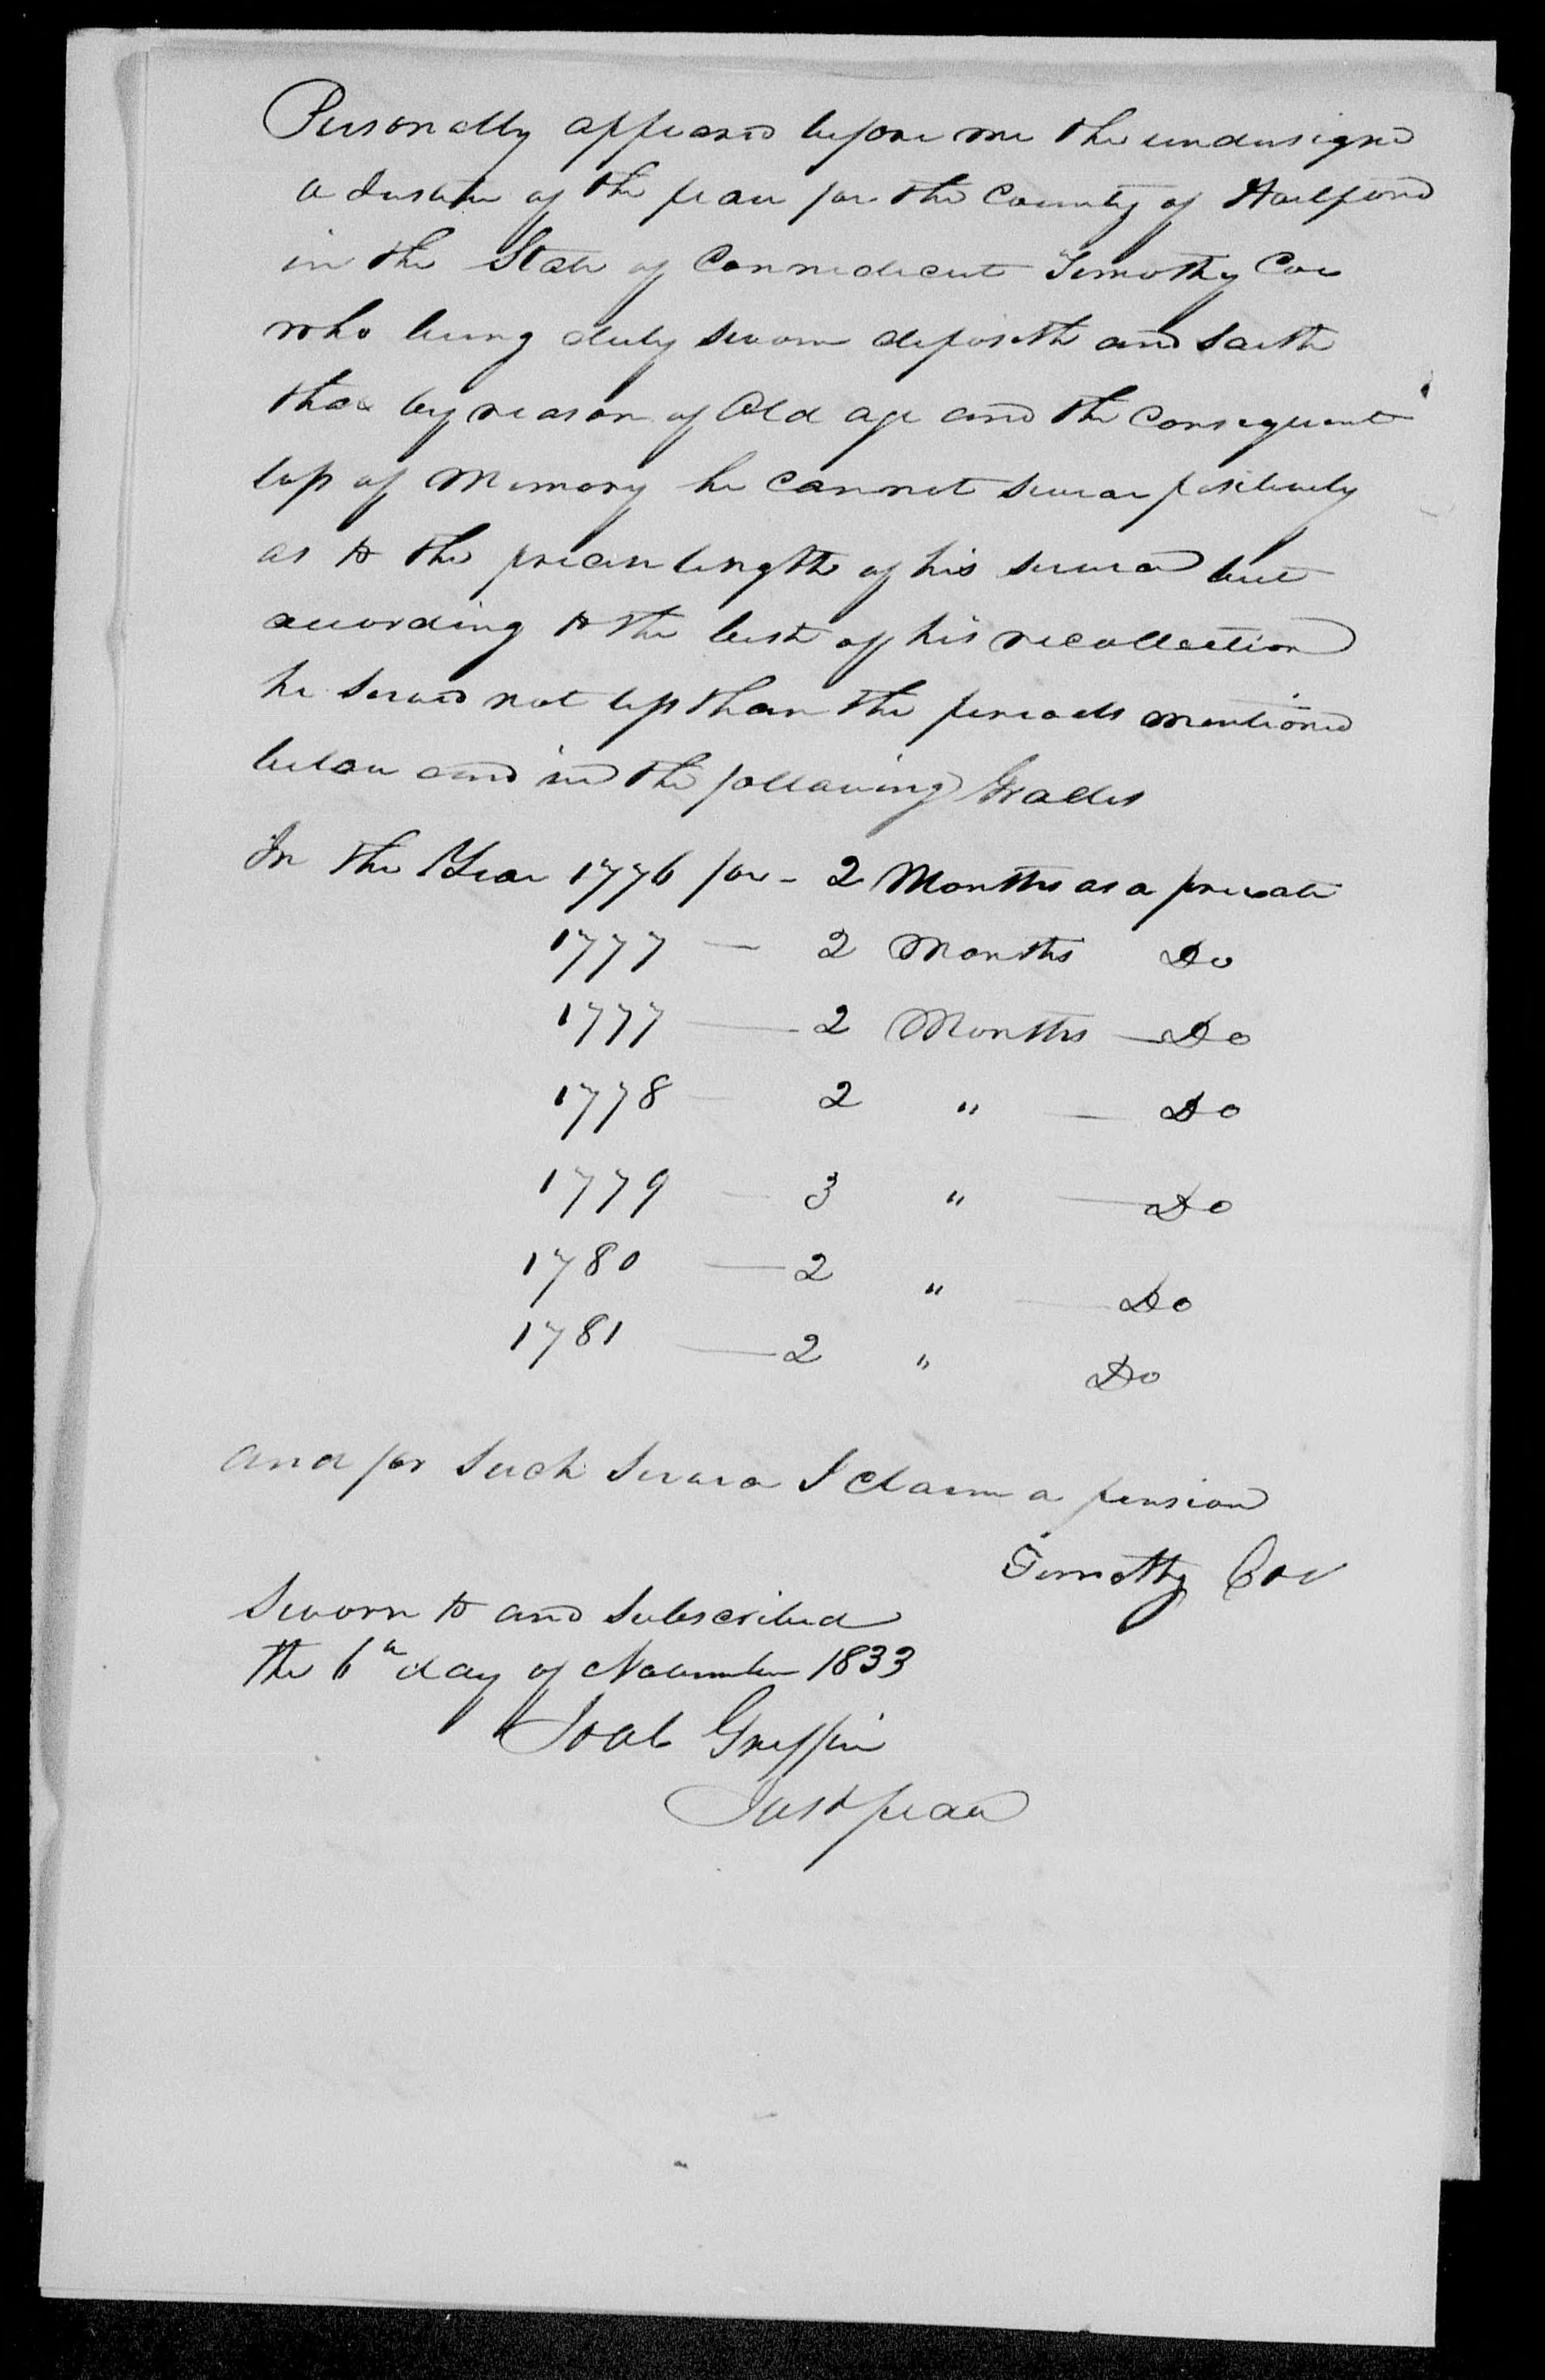Personally appeared before me the undersigned
a Justice of the fear for the County of Hartford
in the State of Connecticut Timothy Coe
who being duly sworn deposeth and saith
that by reason of old age and the consequent
lap of memory he cannot swear positively
as to the precise length of his service but
according to the best of his recollection
he served not less than the periods mentioned
below and in the following grades
In the year 1776 for 2 months as a private
1777-2 months Do
1777-2 months - Do
1778-2 "-Do
1779-3 "-Do
1780-2 "-Do
1781-2 "  Do
and for such service I claim a pension
Sworn to and subscribed
Timothy Co
the 6th day of November 1833
Joab Griffin
Just [Justice] peace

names: Joab Griffin, Timothy Coe, Timothy Coe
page: 8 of 76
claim: widow's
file: W. 5,250, Timothy Coe, Conn.